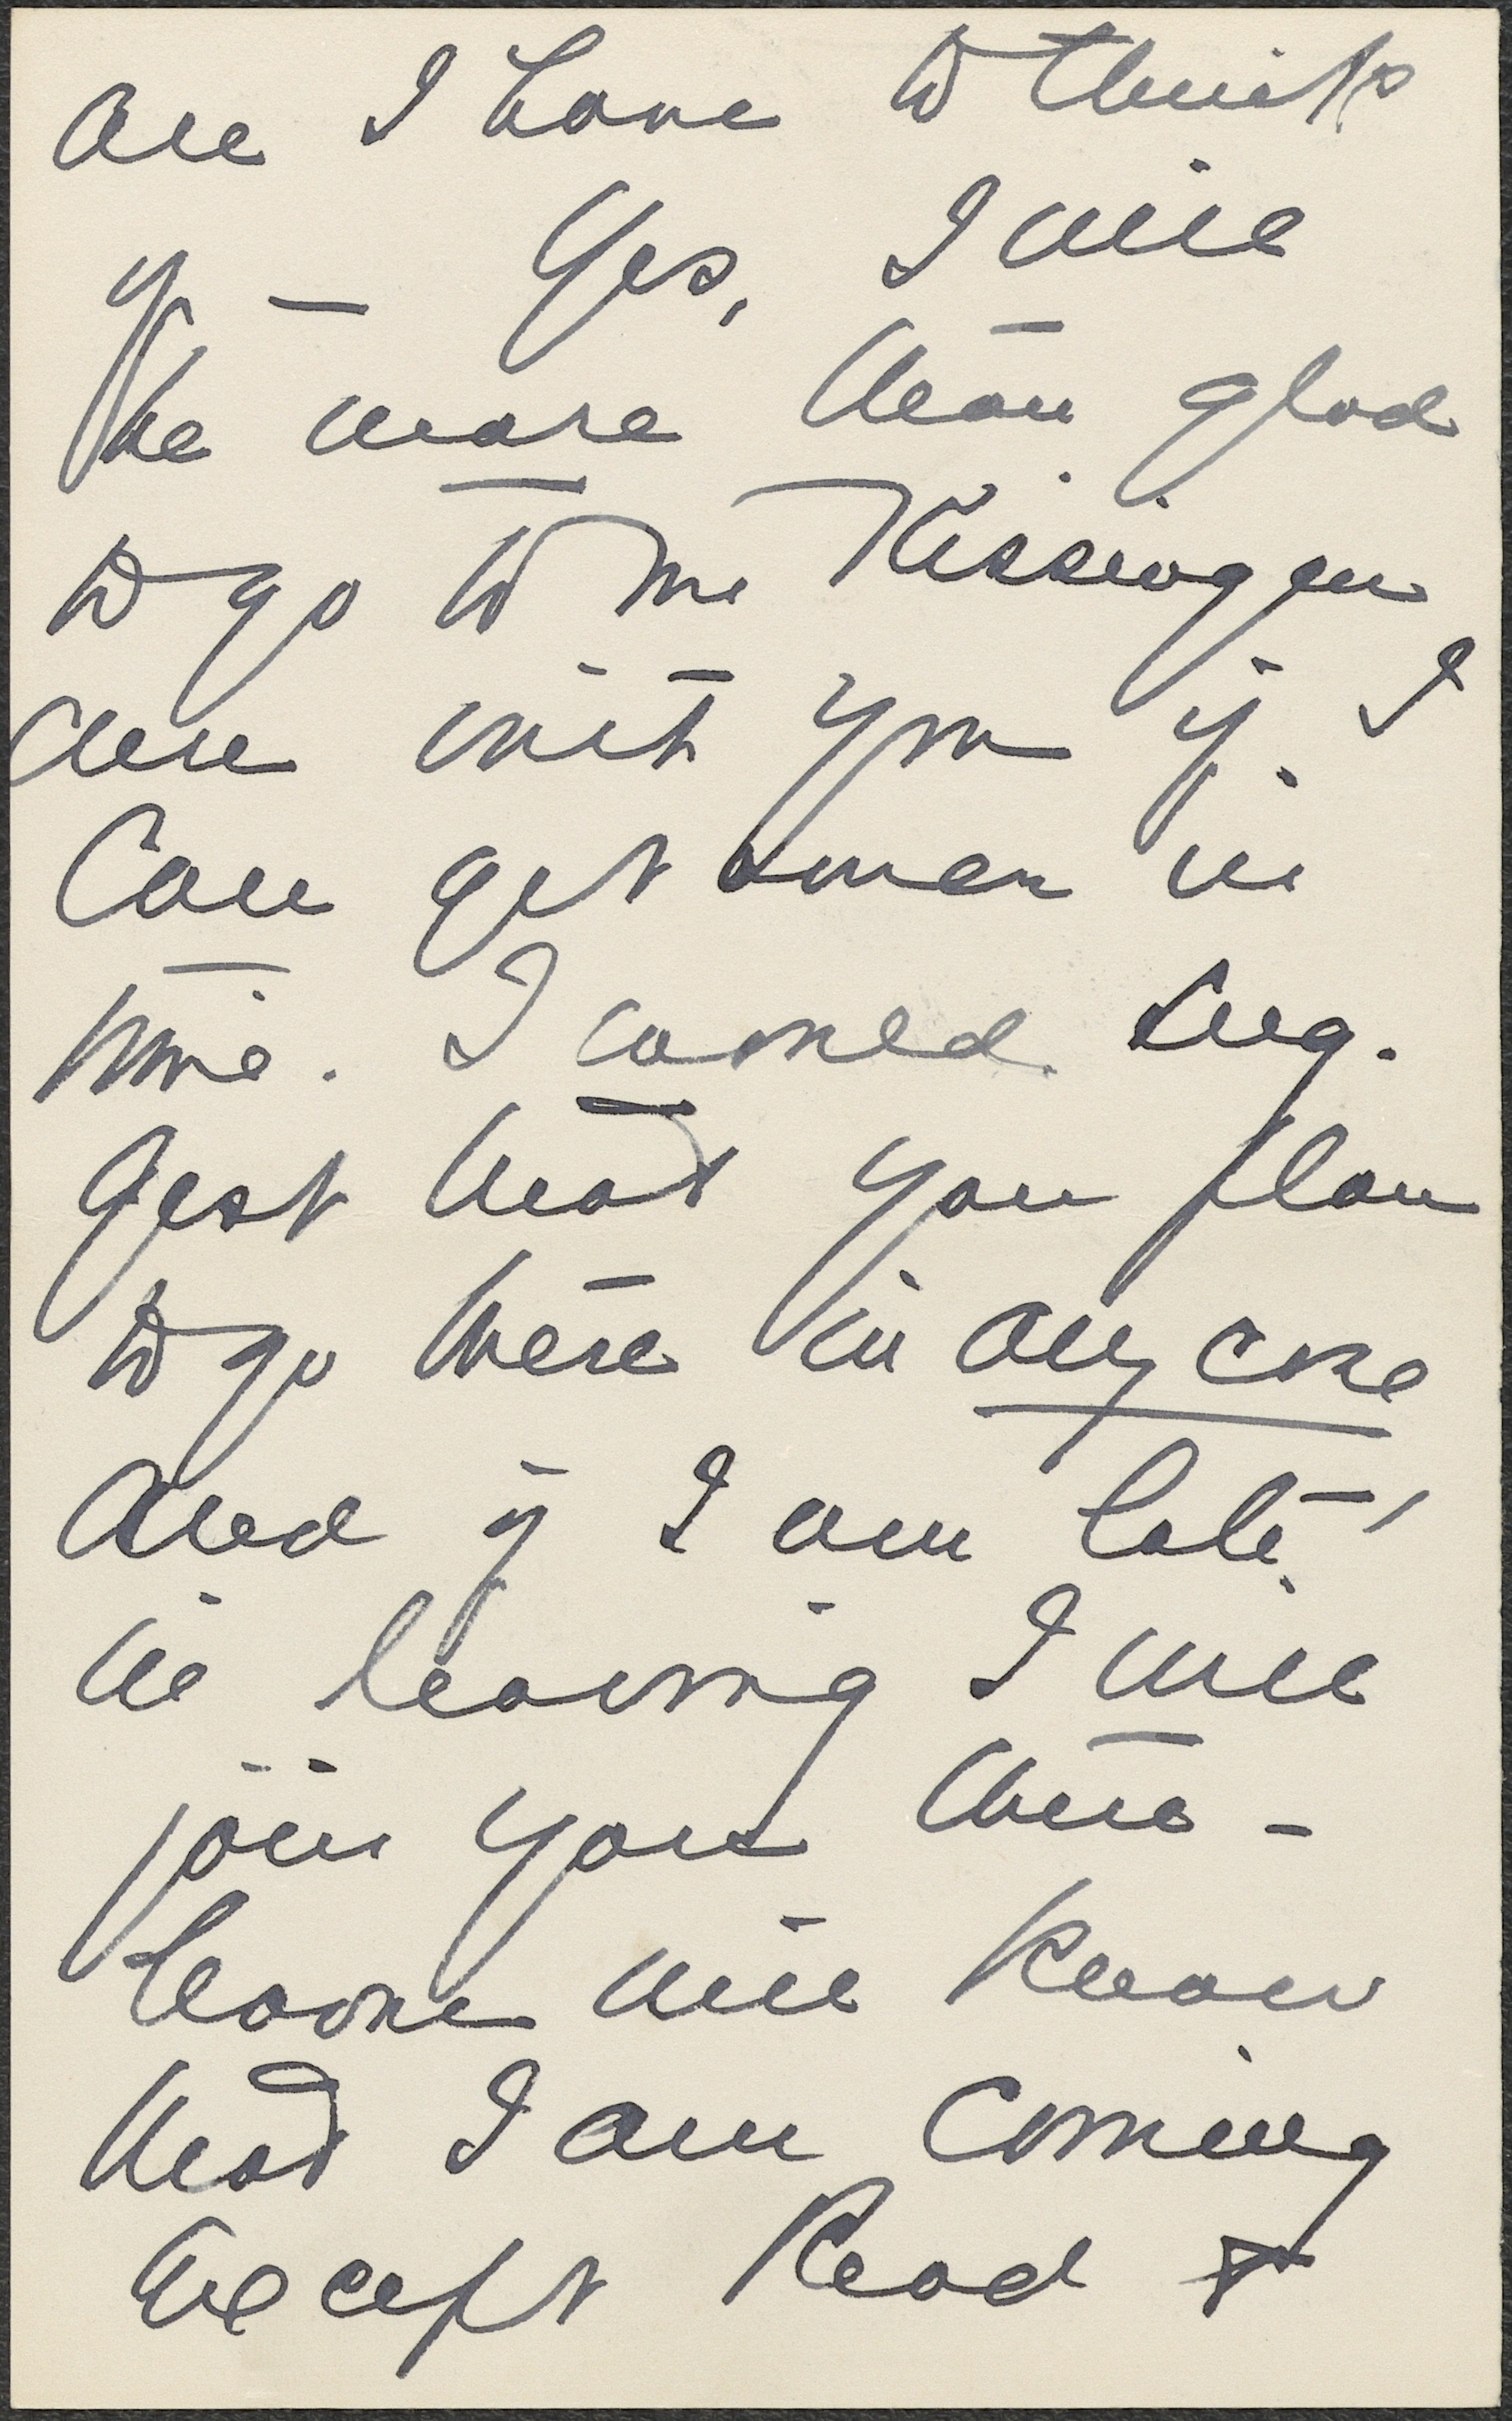all I have to think of – Yes, I will be more than glad to go to the Kissingen cure with you if I can get over in time. I would suggest that you plan to go there in any case and if I am late in leaving I will join you there – Noone will know that I am coming except Read &